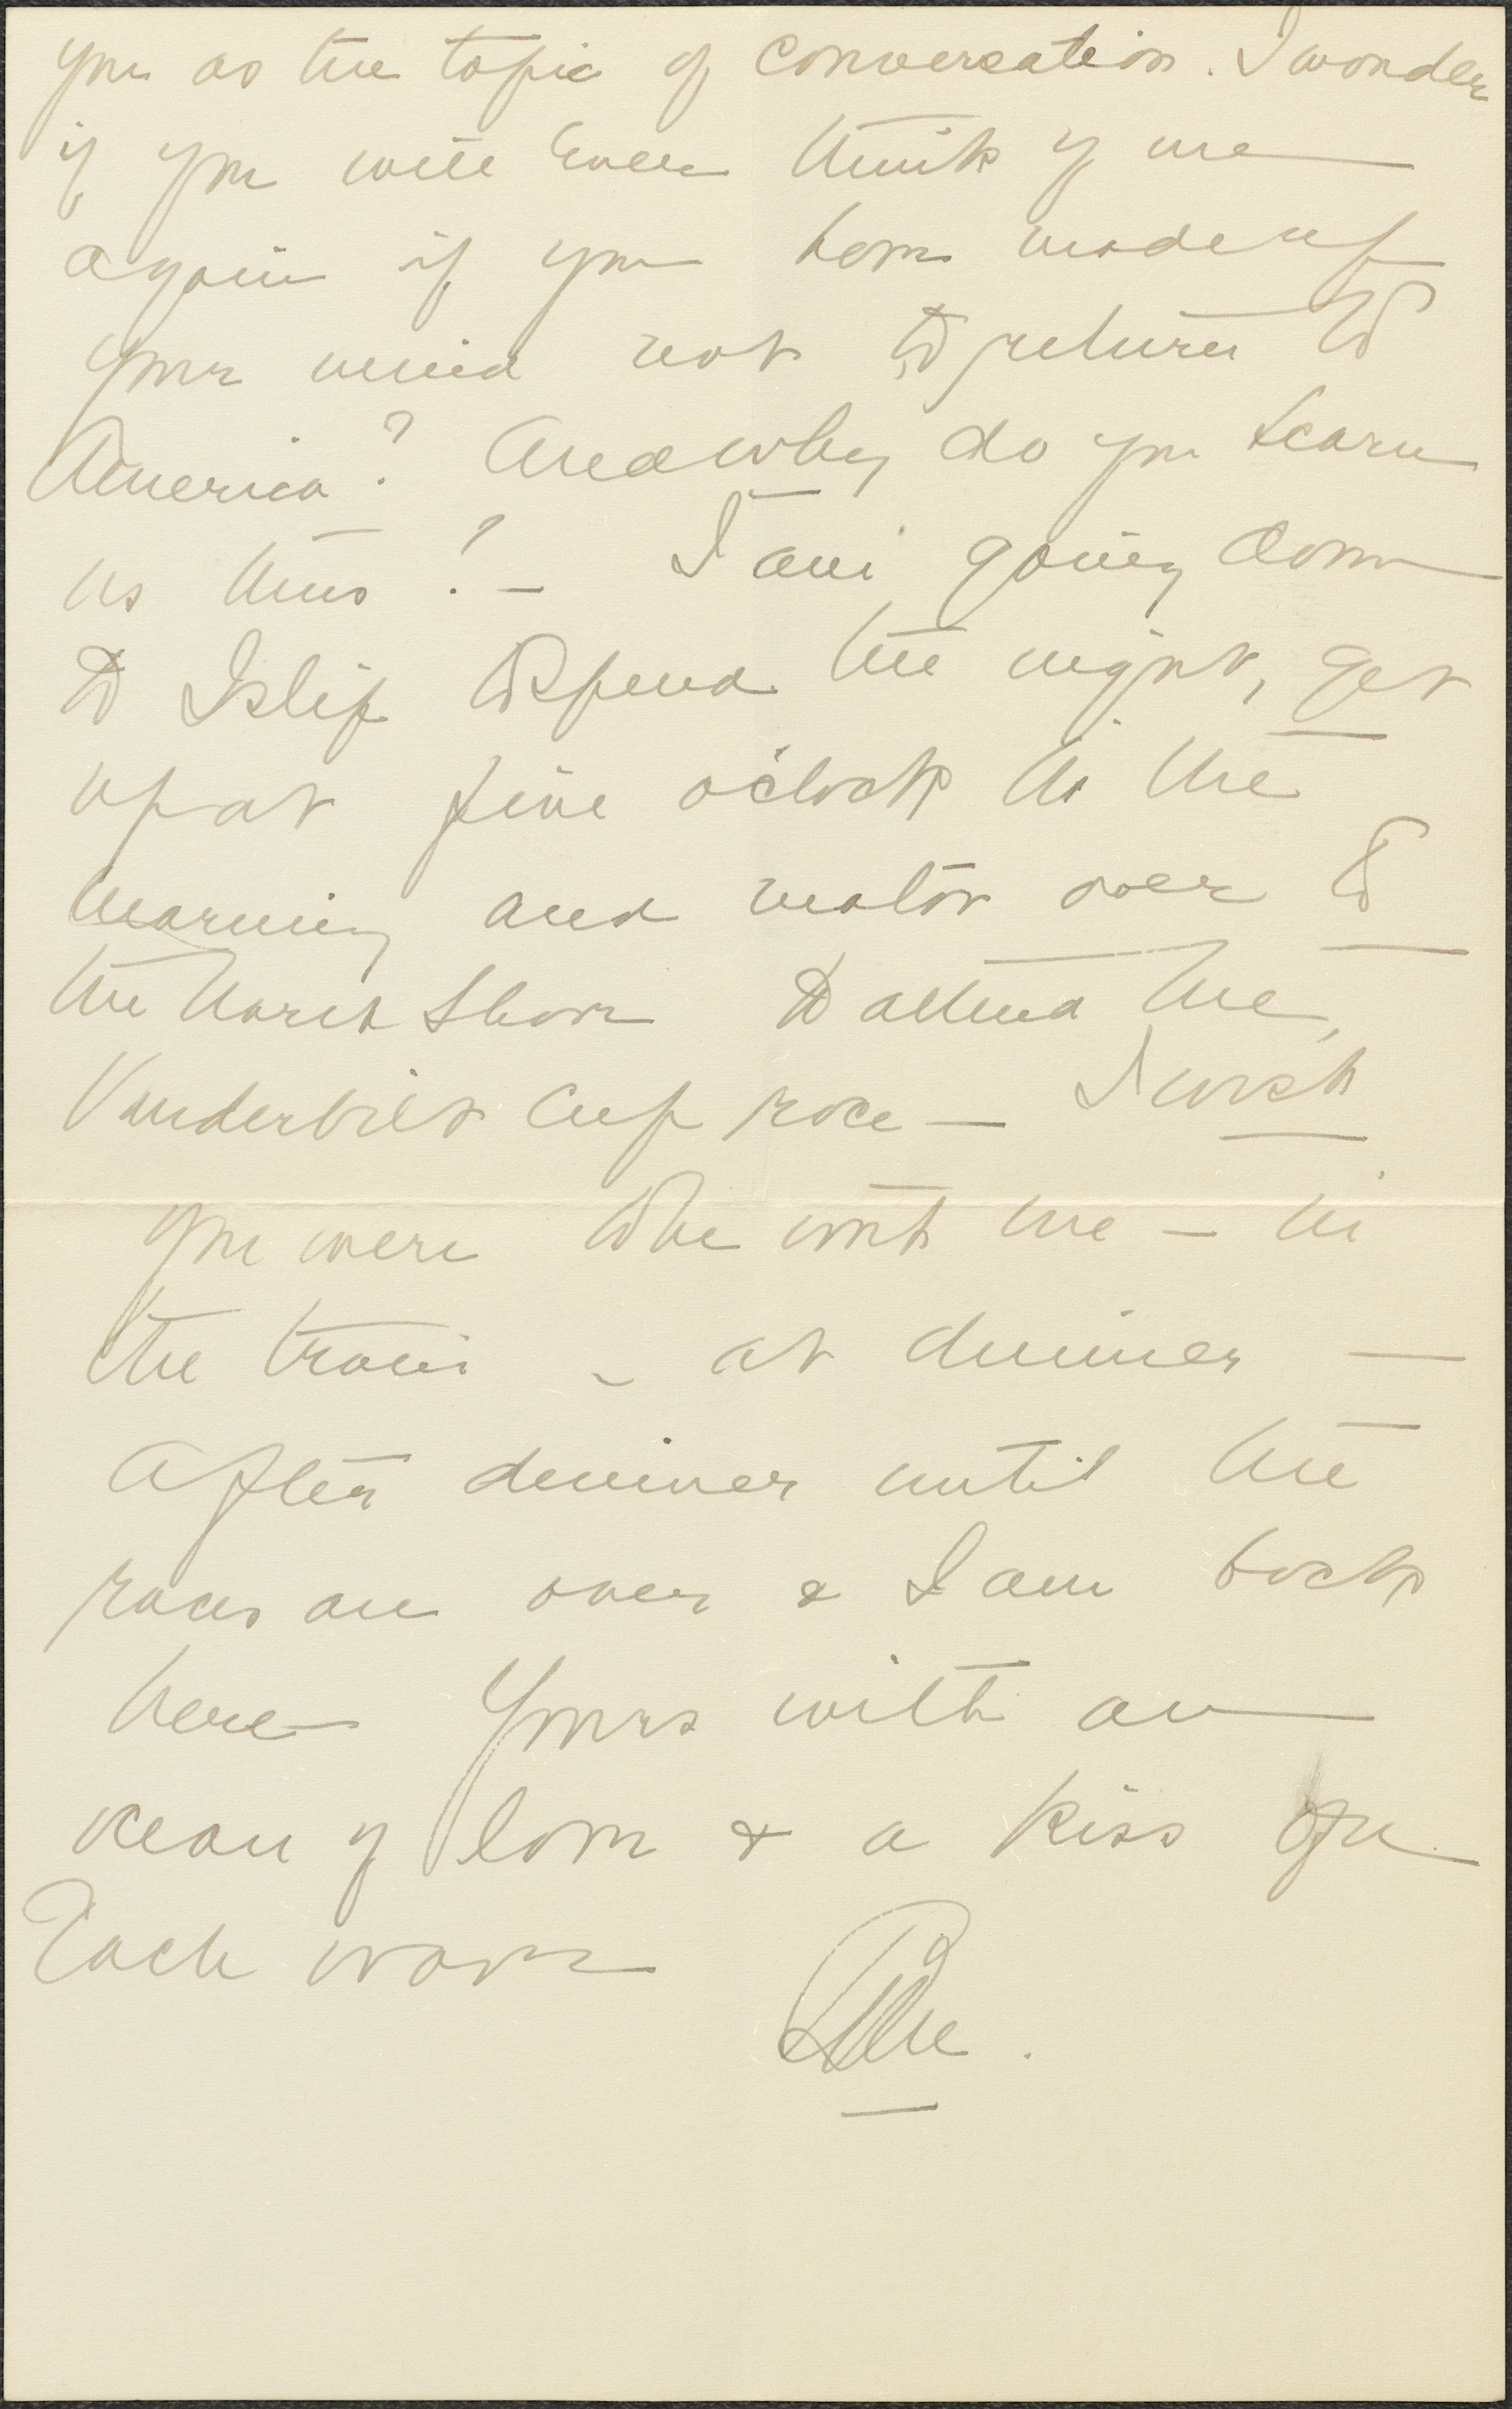you as the topic of conversation. I wonder if you will ever think of me again if you have made up your mind not to return to America? And why do you scorn us thus? – I am going down to Islip to spend the night, get up at five o’clock in the morning and motor over to the North Shore to attend The Vanderbilt cup race – I wish you were to be with me – in the train – at dinner – after dinner until the races are over & I am back here – Yours with an ocean of love & a kiss on each wave
Belle.